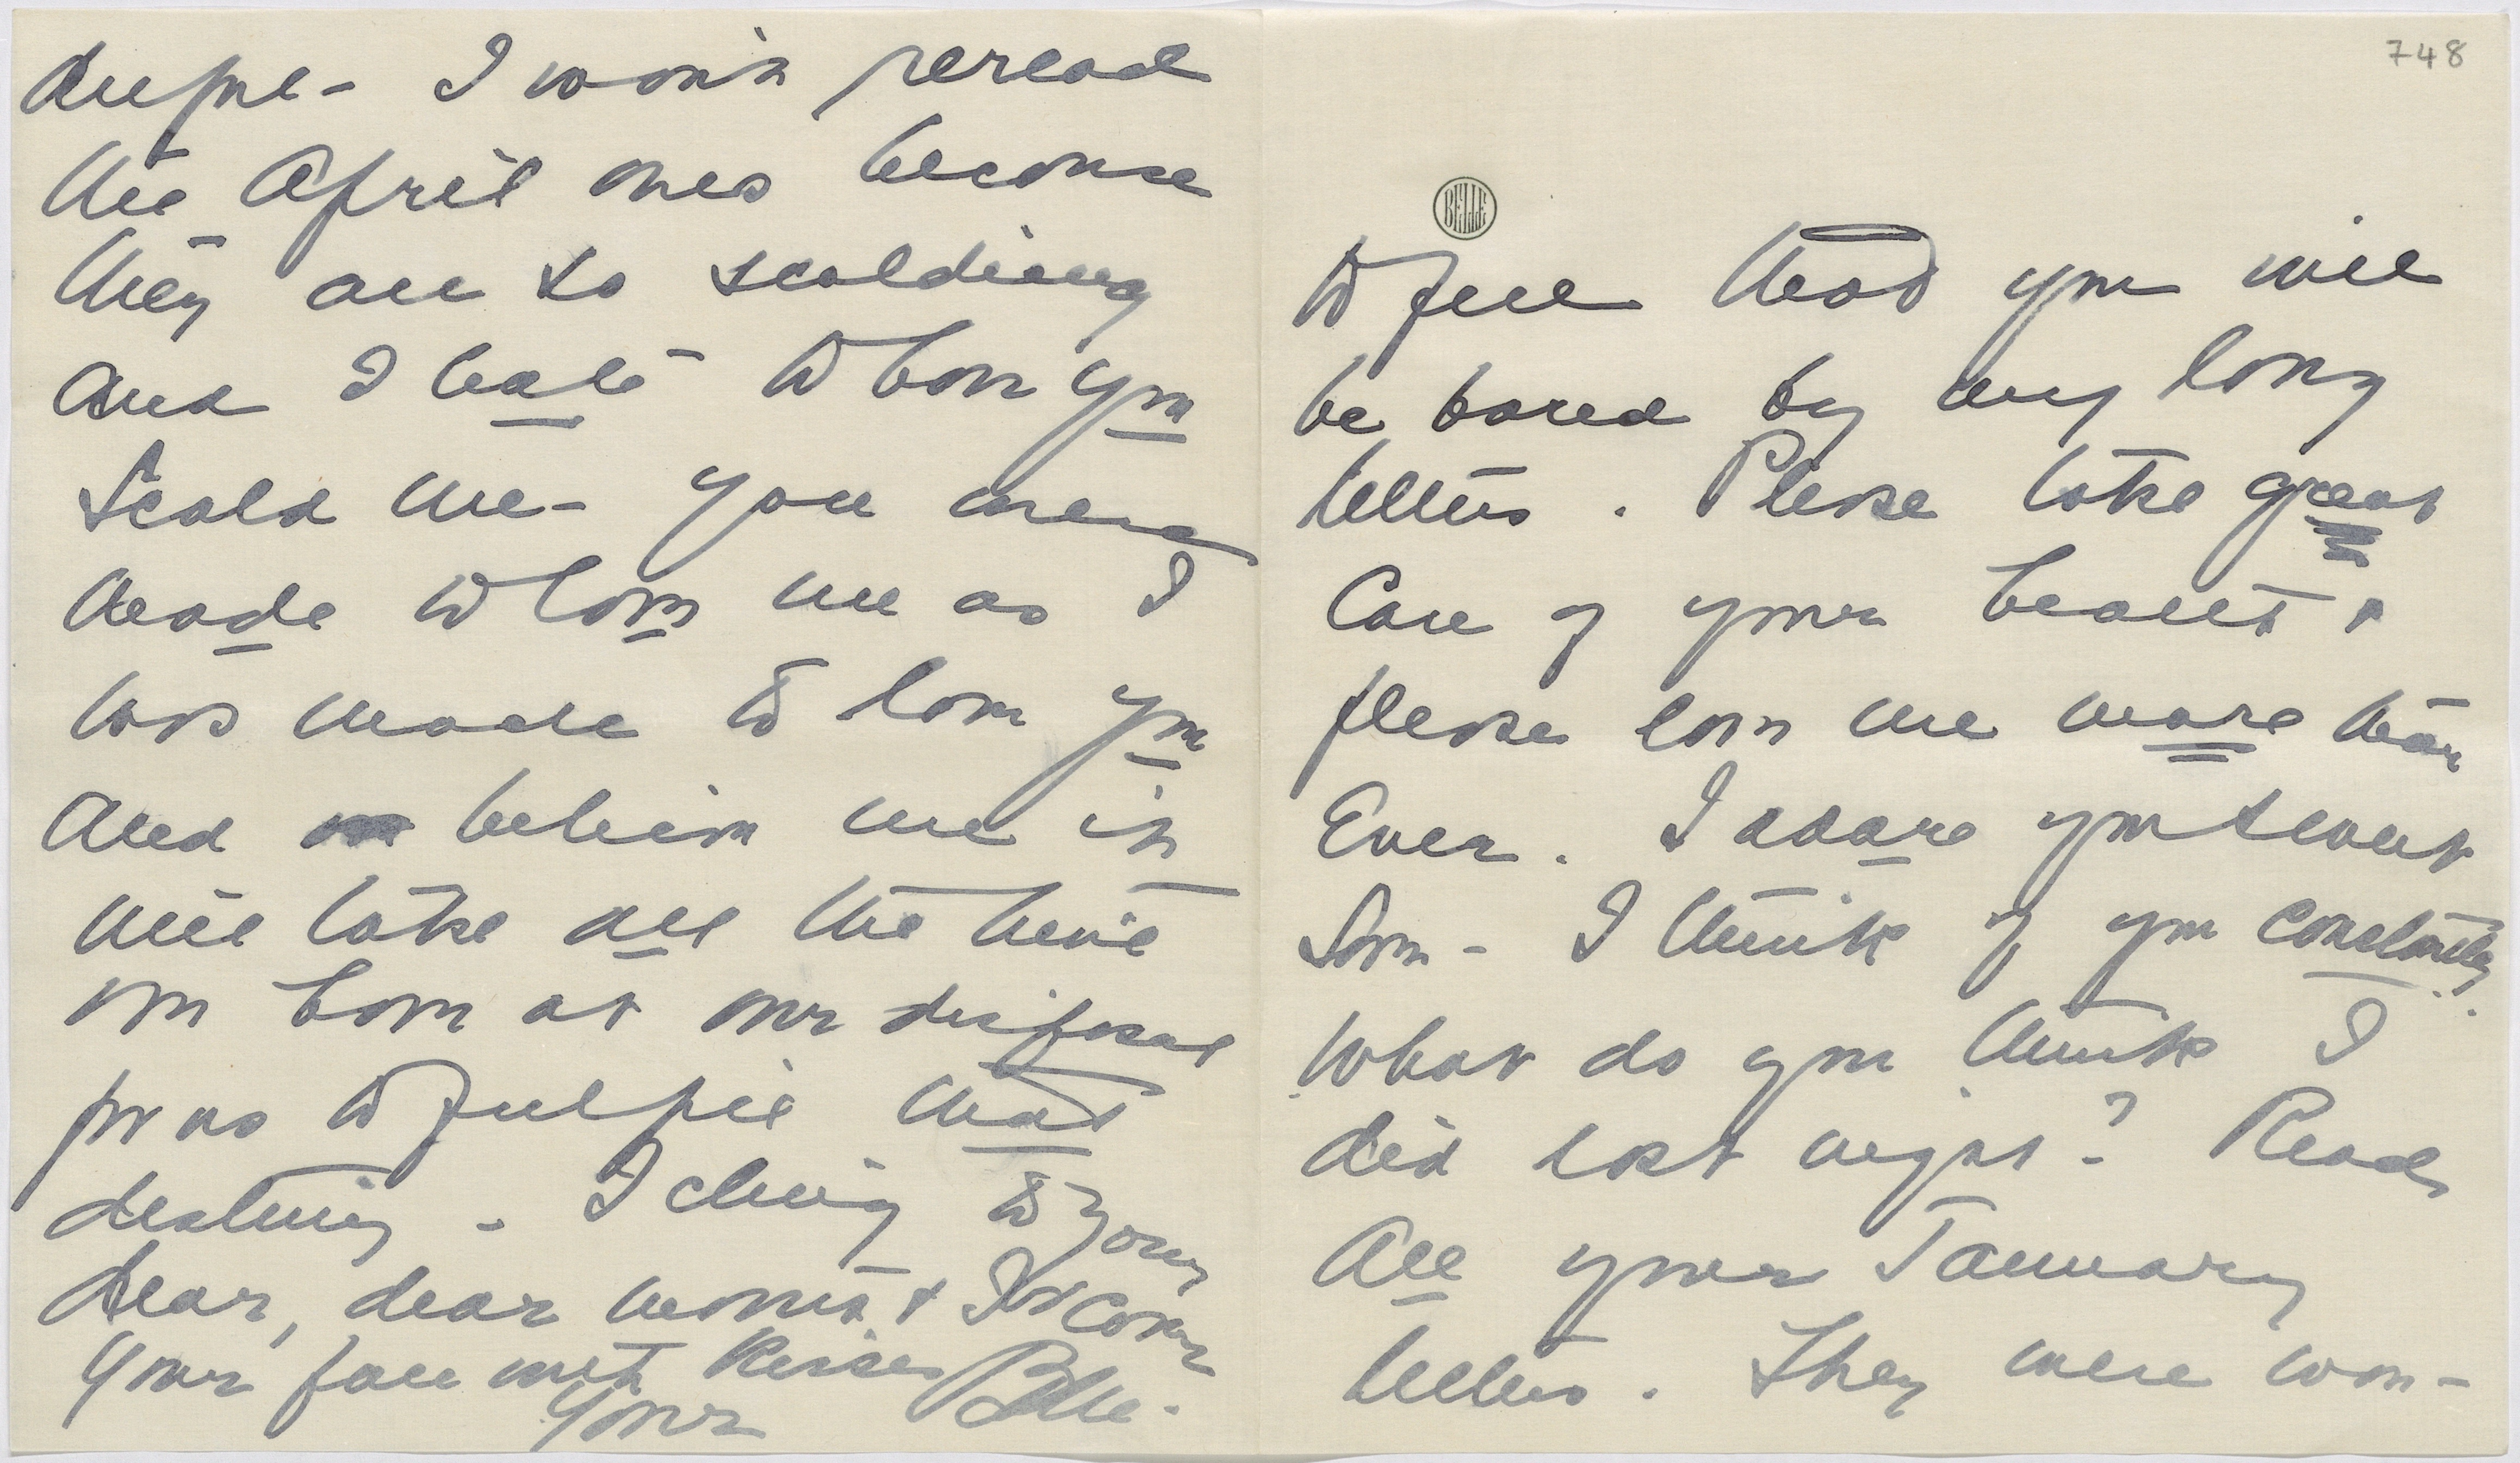to feel that you will be bored by my long letters. Please take [triple underlined: great] care of your health & please love me [double underlined: more] than ever. I adore you sweet Love – I think of you constantly. What do you think I did last night? Read all your January letters. They were wonderful –
I wont reread the April ones because they are so scolding and I hate to have you scold me – you were made to love me as I was made to love you and [illegible deletion] believe me it will take all the time we have at our disposal for us to fulfil [sic] that destiny – I cling to your dear, dear mouth & I cover your face with kisses
Your Belle.